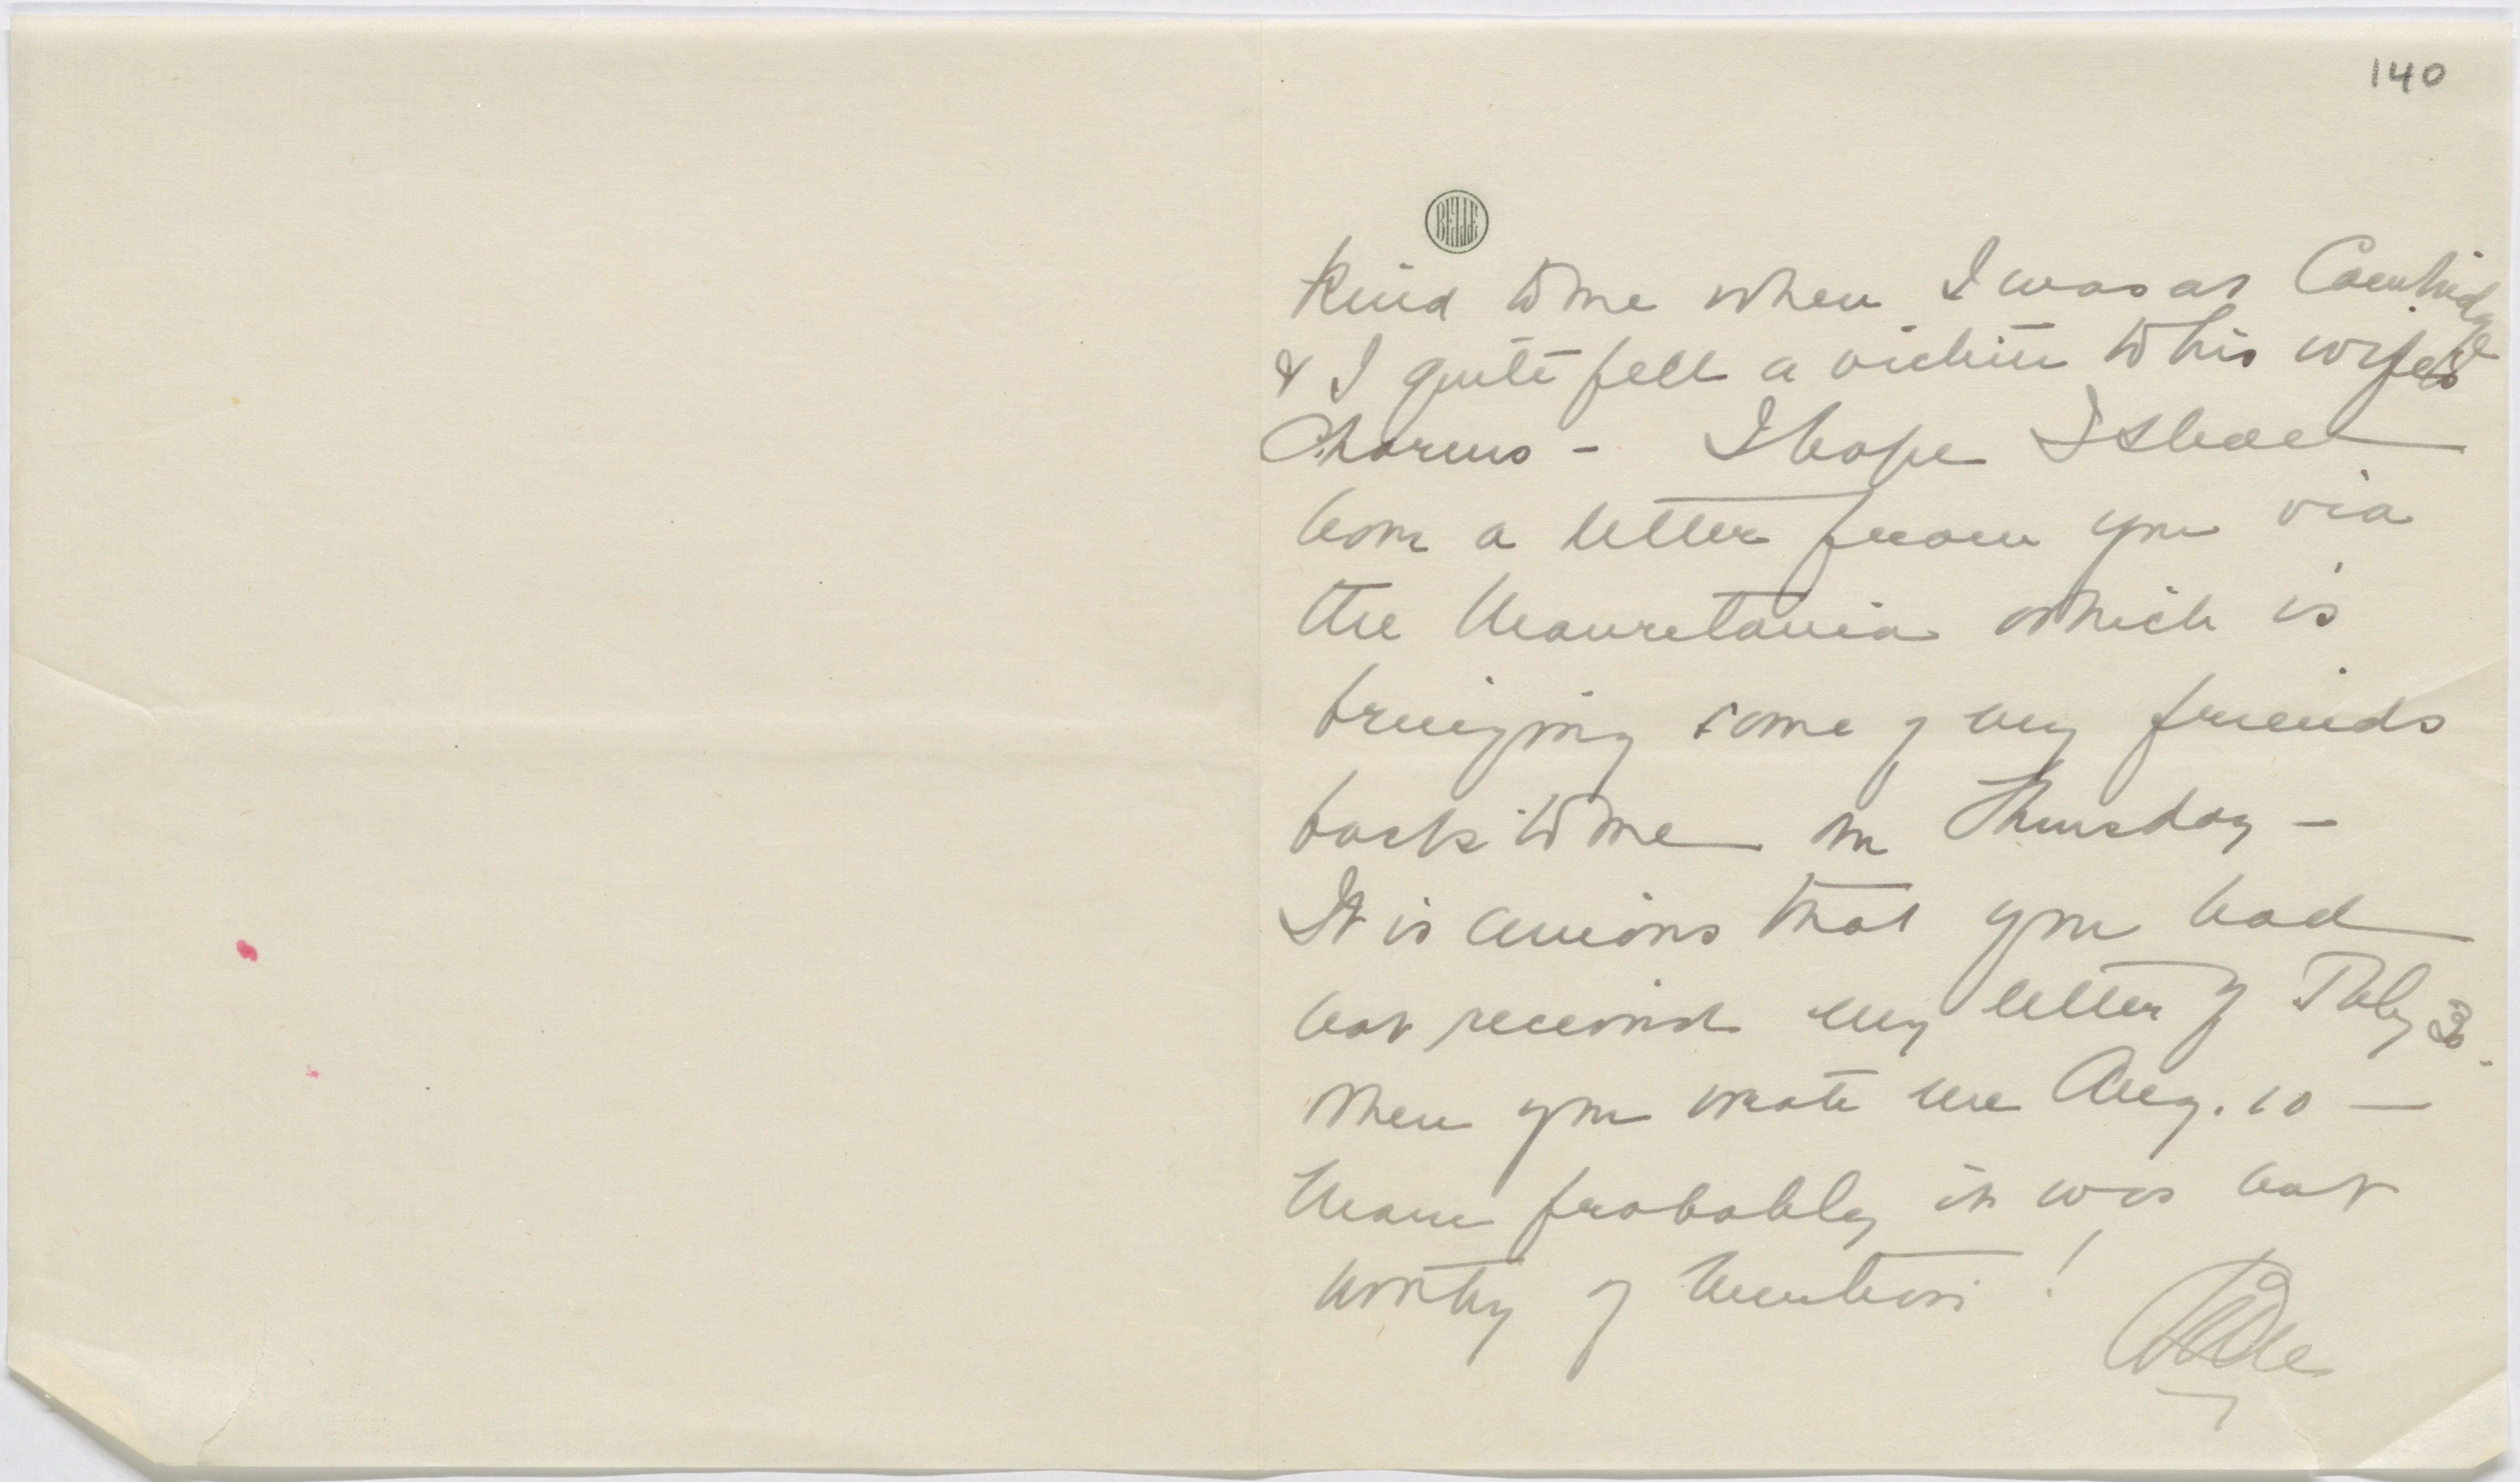kind to me when I was at Cambridge & I quite fell a victim to his wife’s charms – I hope I shall have a letter from you via the Mauritania which is bringing some of my friends back to me on Thursday – It is curious that you had not received my letter of July 30 – when you wrote me Aug. 10 – More probably it was not worthy of mention!
Belle